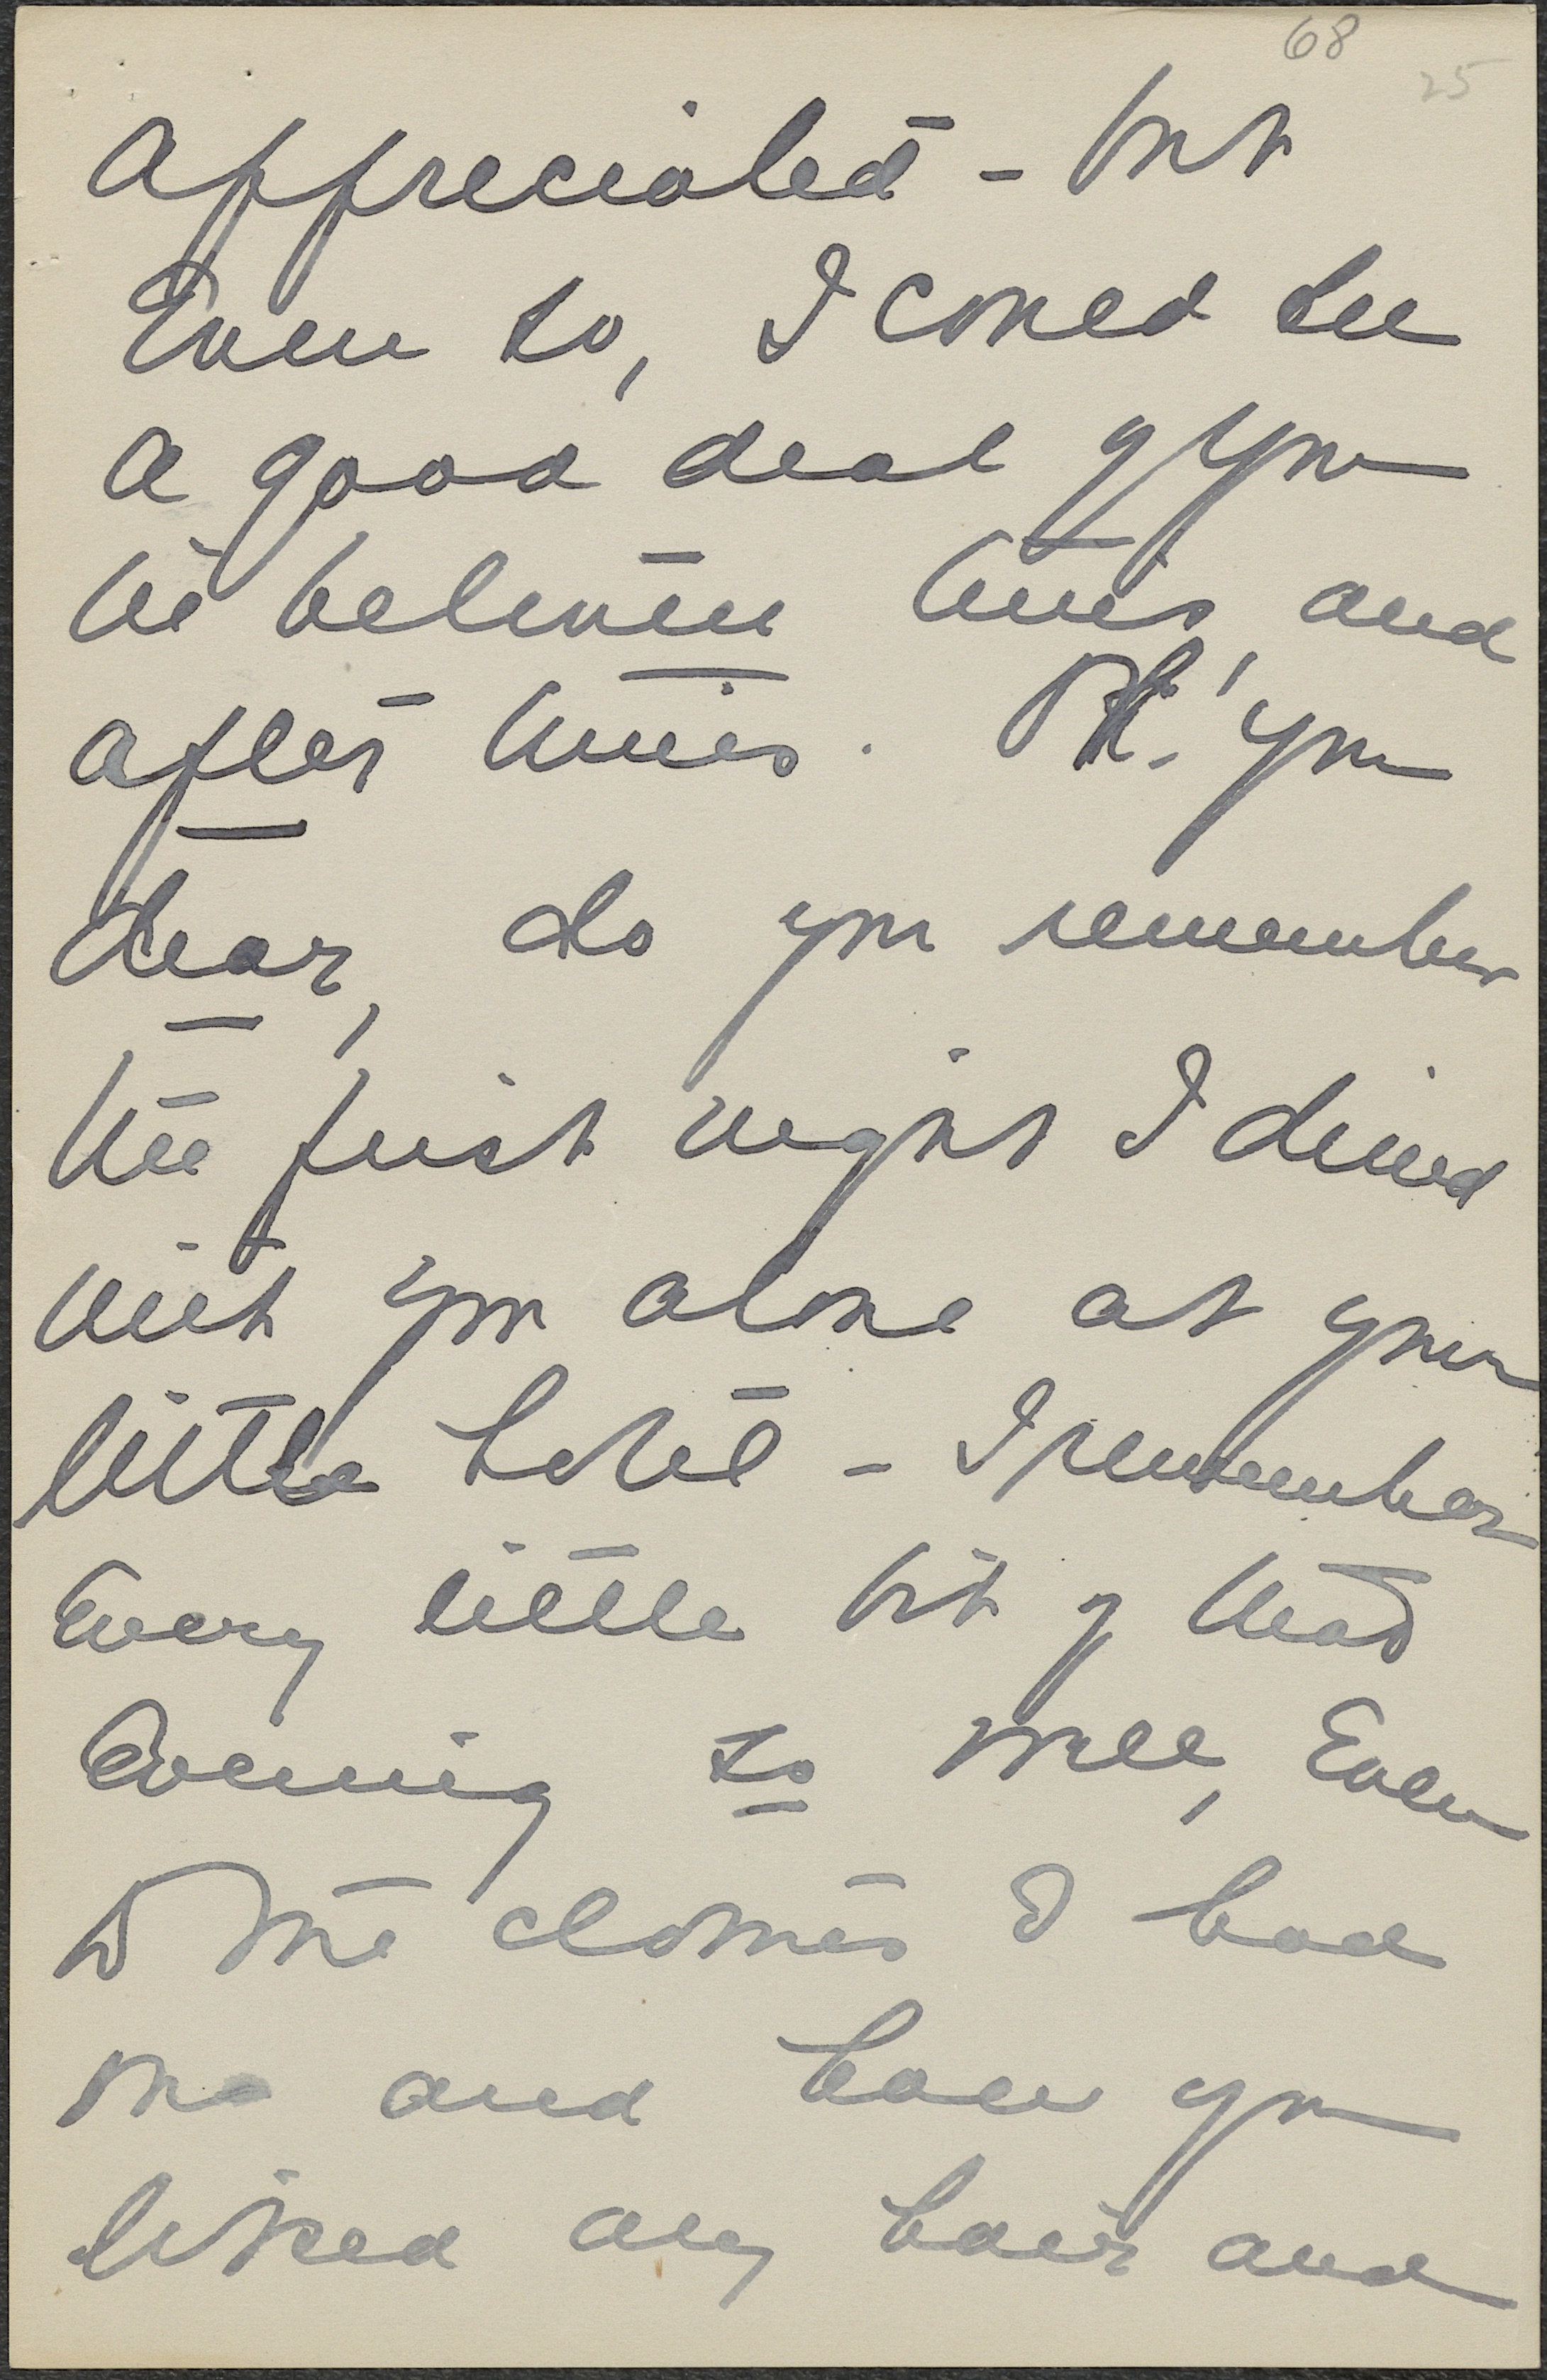appreciated – but even so, I could see a good deal of you in between times and after times. Oh! you dear, do you remember the first night I dined with you alone at your little hotel – I remember every little bit of that evening so well, even to the clothes I had on and how you liked my hair and